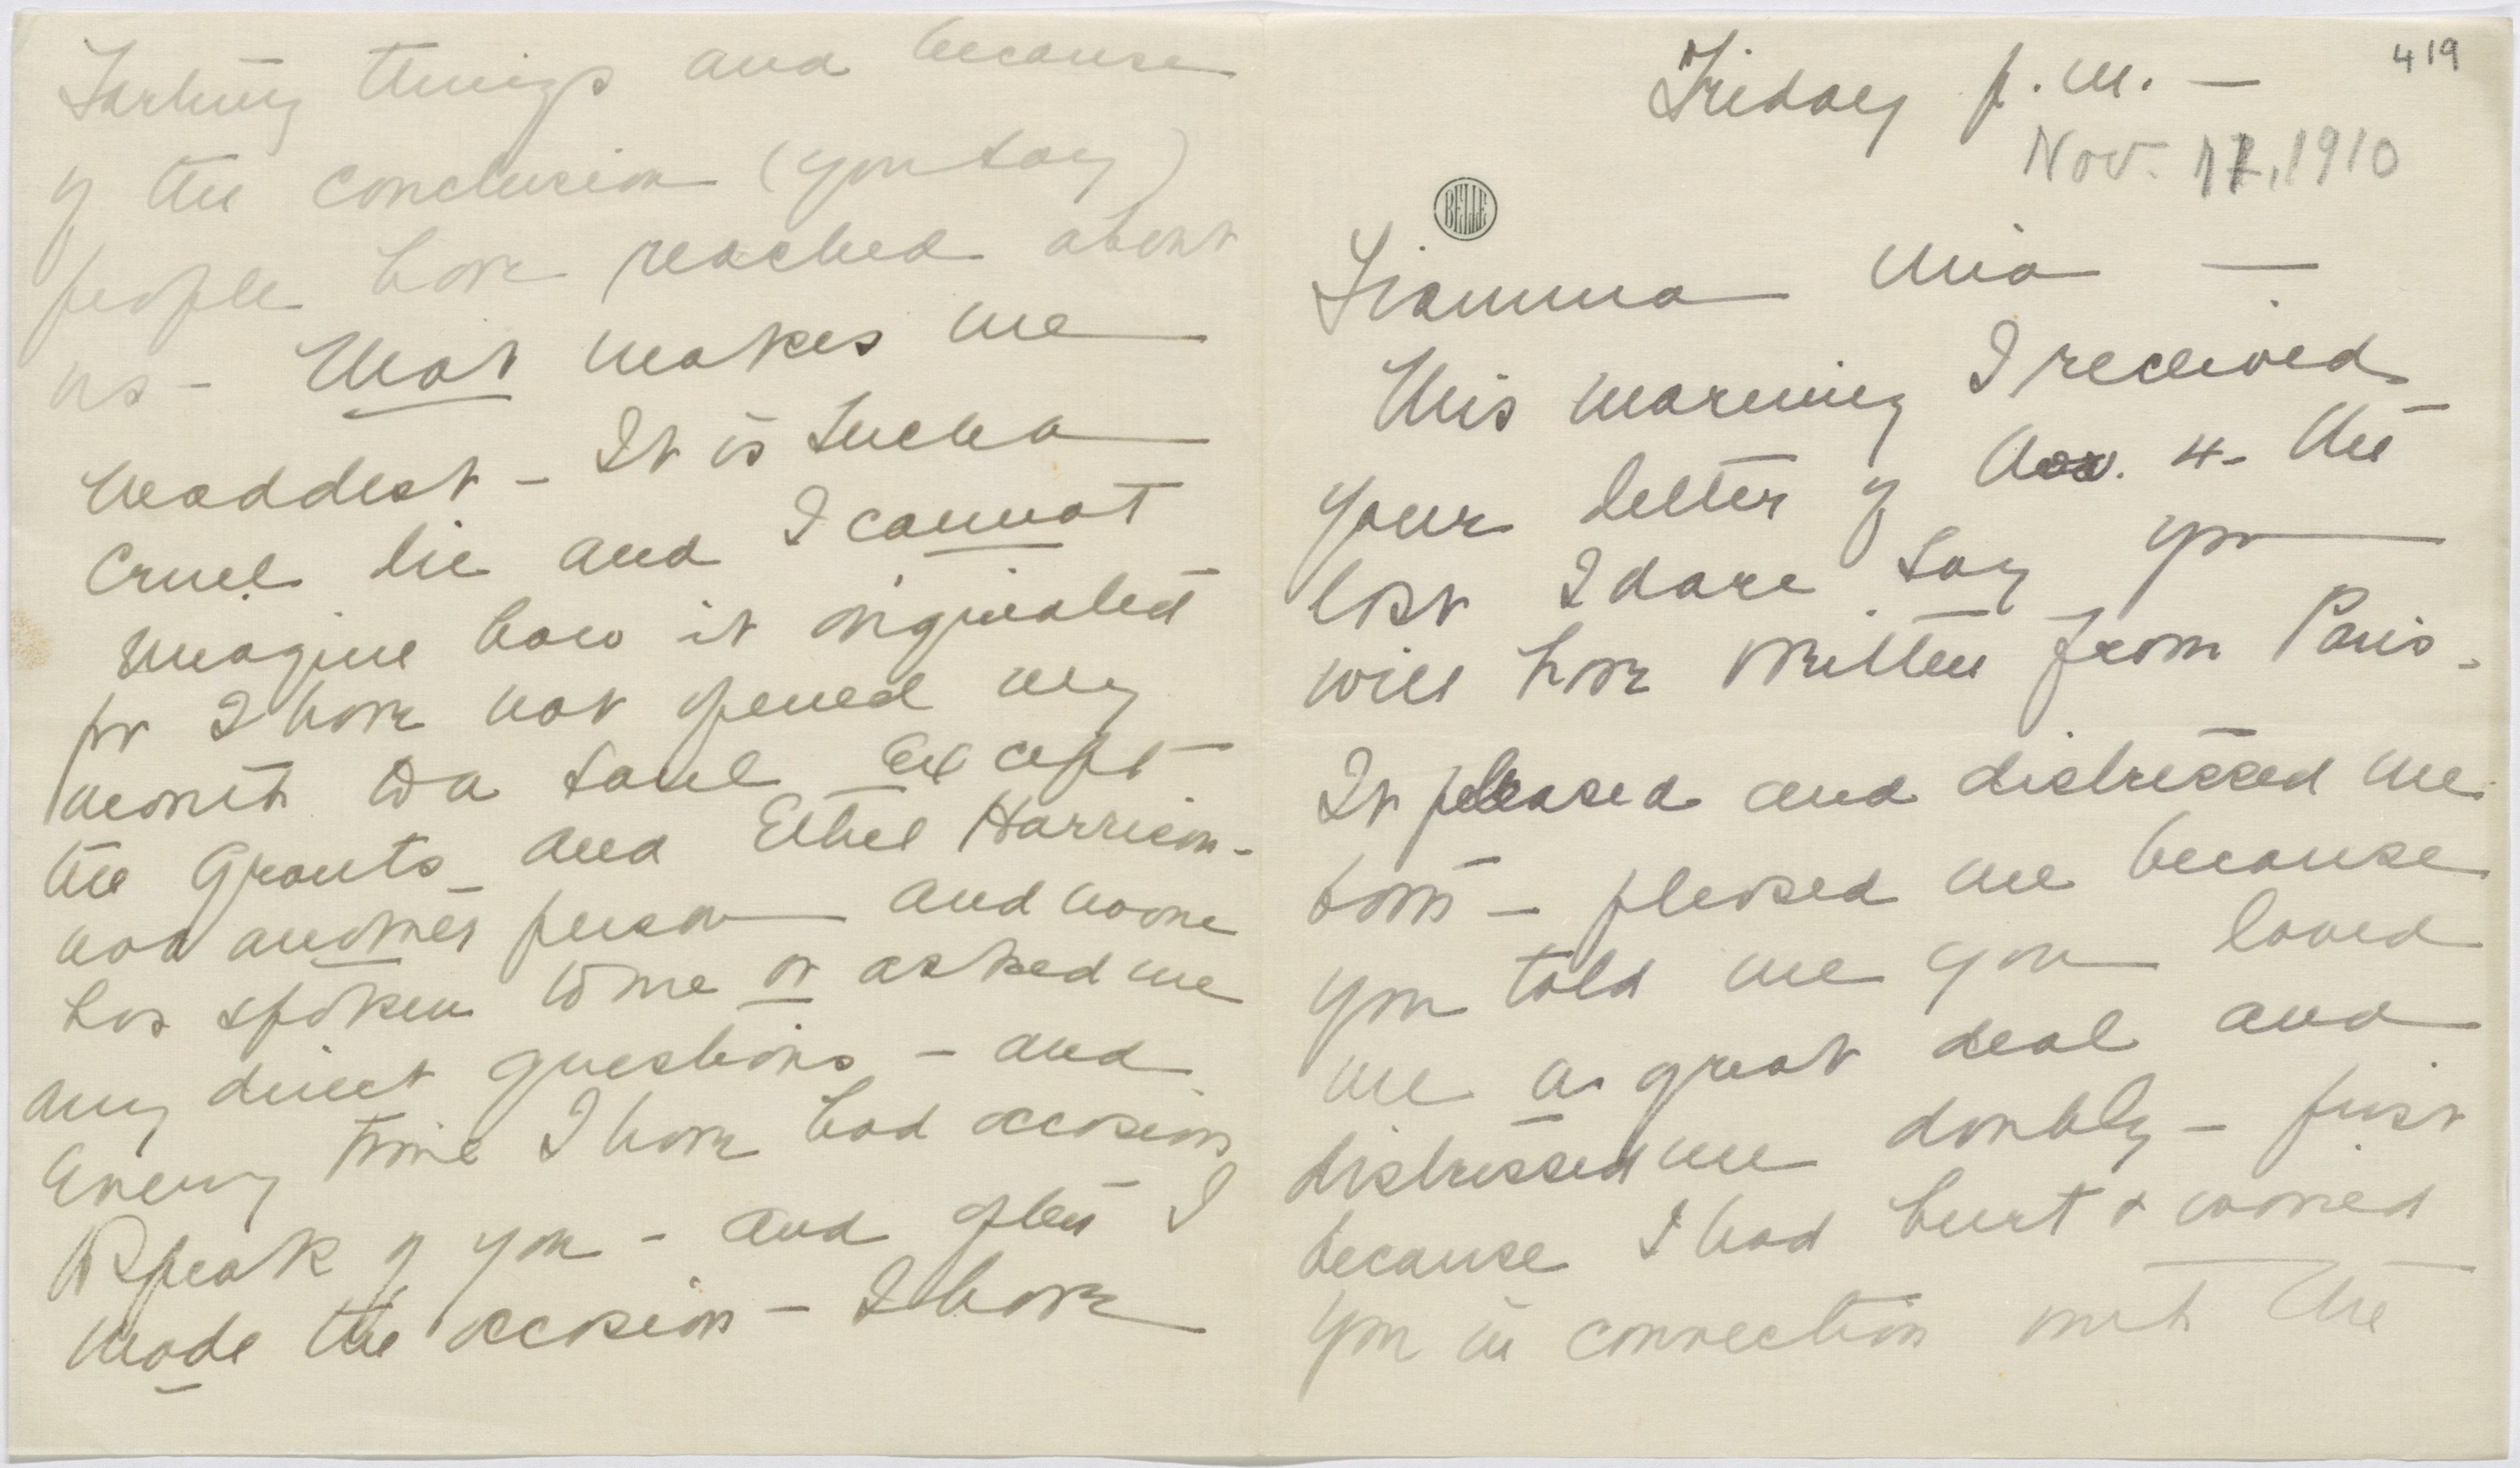Friday p.m. –
Fiamma mia –
This morning I received your letter of Nov. 4 – the last I dare say you will have written from Paris – It pleased and distressed me both – pleased me because you told me you loved me a great deal and distressed me doubly – first because I had hurt & worried you in connection with the
Fortuny things and because of the conclusion (you say) people have reached about us – That makes me maddest – It is such a cruel lie and I cannot imagine how it originated for I have not opened my mouth to a soul except the Grants and Ethel Harrison – not another person and noone [sic] has spoken to me or asked me any direct questions – and every time I have had occasion to speak of you – and often I made the occasion – I have